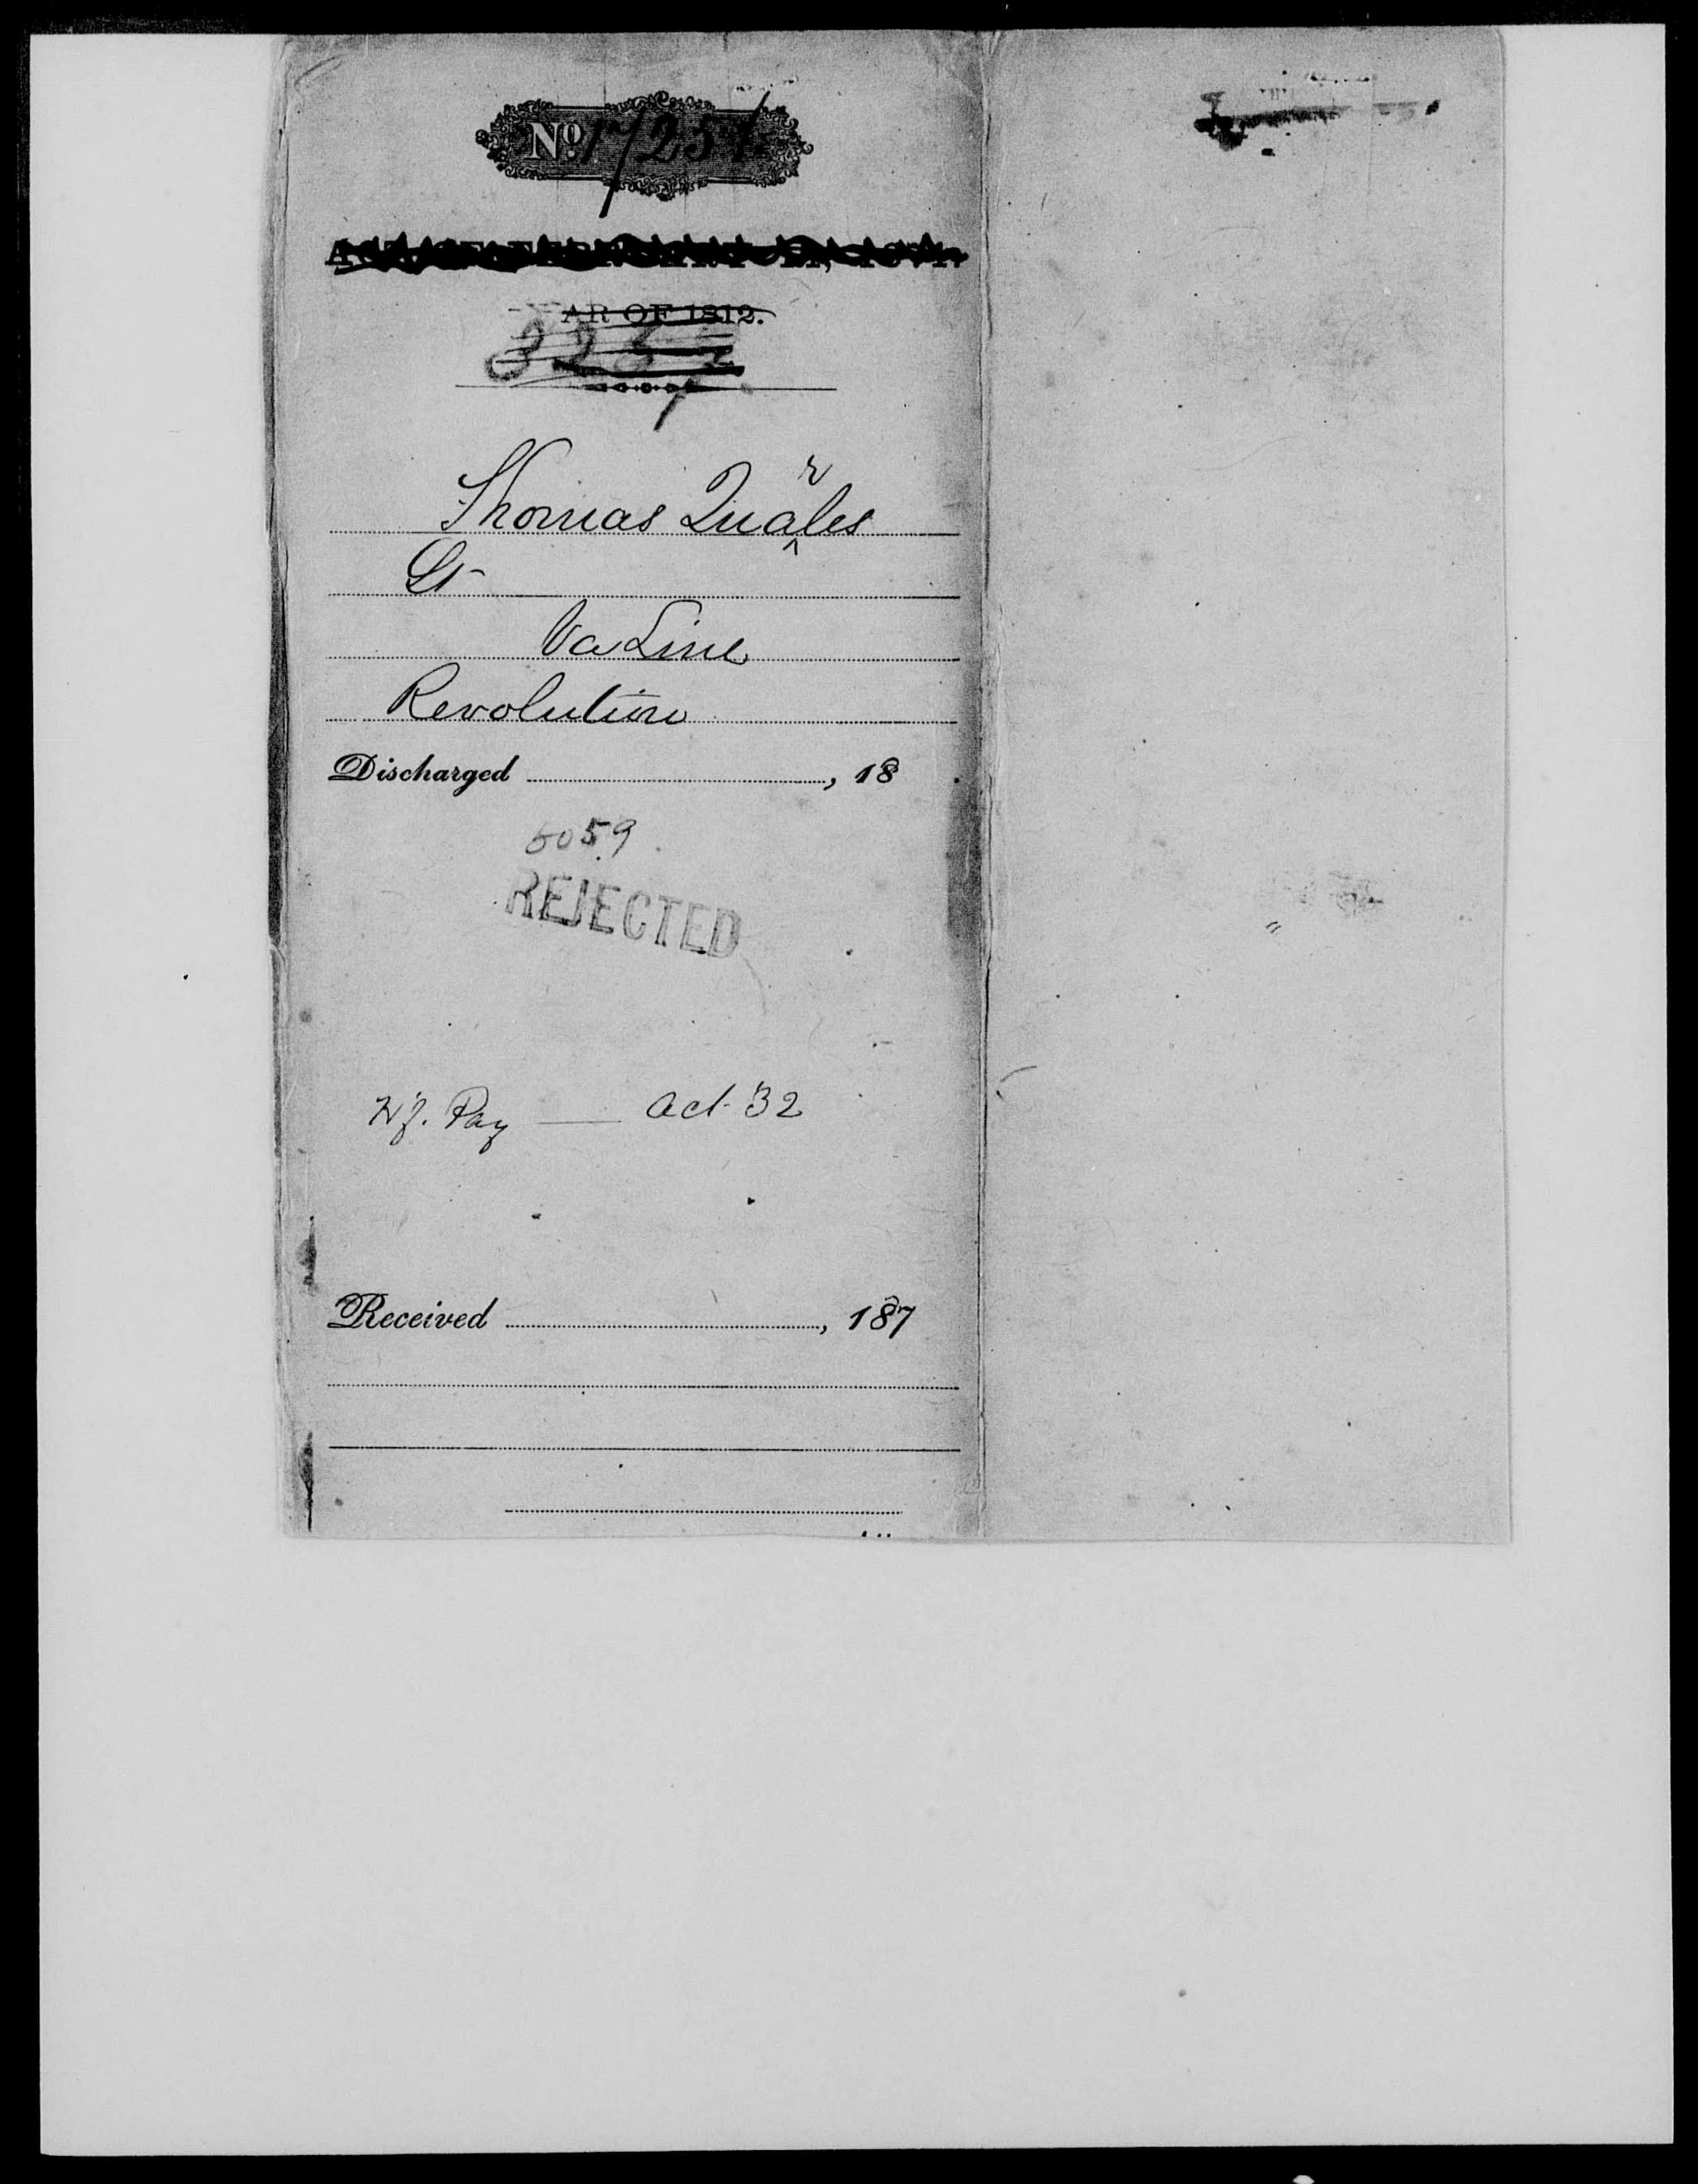No. 17254
Thomas Quarles

Va Line
Revolution
Discharged .....,18
8059
REJECTED
HJ, Pay____Oct-32


Received ____,`87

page: 22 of 22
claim: rejected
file: R. 17251, for Thomas Quarles, Virginia